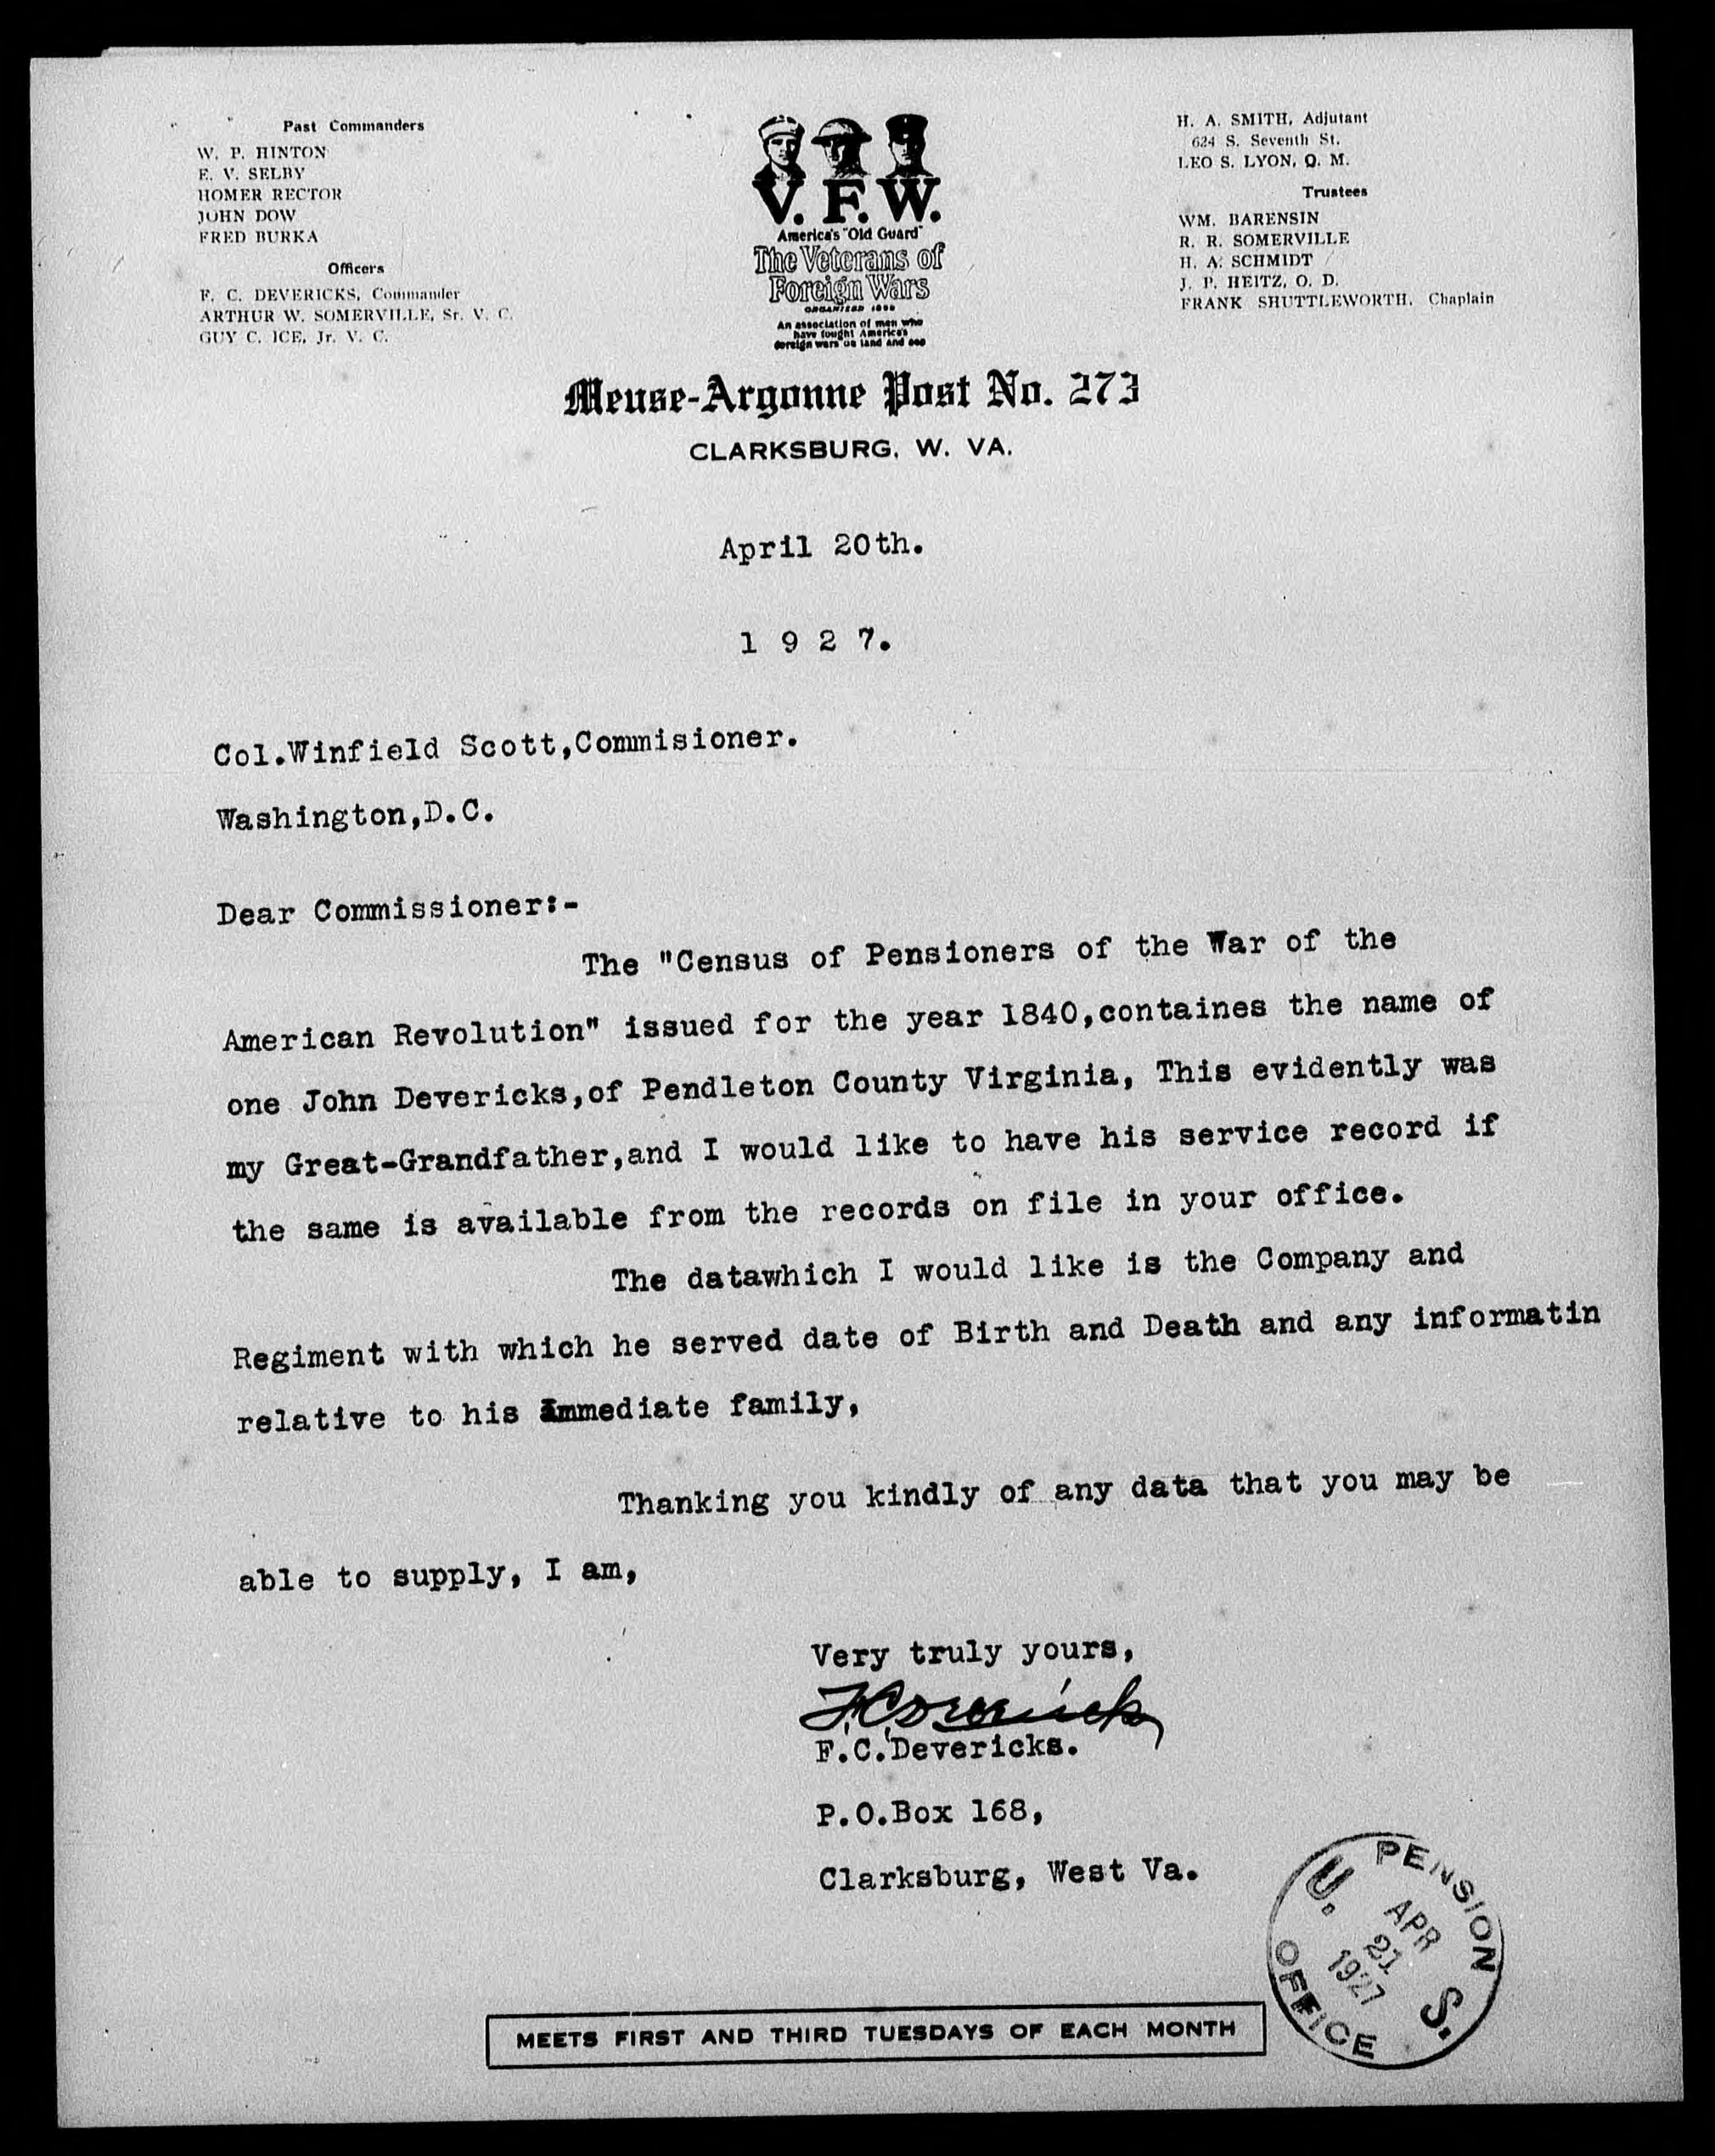Past Commanders
W. P. Hinton
E. V. Selby
Homer Rector
John Dow
Fred Burka

Officers
F. C. Devericks, Commander
Arthur W. Somerville, Sr. V. C.
Guy C. Ice, Jr. V. C.

H. A. Smith, Ajutant
624 S. Seventh St.
Leo S. Lyon, Q. M.

Trustees
WM. Barensin
R. R. Somerville
H. A. Schmidt
J. P. Heitz, O. D.
Frank Shuttleworth, Chaplain

V. F. W.
America's "Old Guard"
The Veterans of Foreign Wars
Organized [illegible]
An association of men who have fought America's foreign wars [illegible] land and sea

Meuse-Argonne Post No. 273
Clarksburg, W. VA.

April 20th.
1927.

Col. Winfield Scott,Commissioner.
Washington,D.C.

Dear Commissioner:-
The "Census of Pensioners of the War of the American Revolution" issued for the year 1840, contains the name of one John Devericks, of Pendleton County Virginia, This evidently was my Great-Grandfather, and I would like to have his service record if the same is available from the records on file in your office.

The datawhich I would like is the Company and Regiment with which he served date of Birth and Death and any information relative to his ammediate family,

Thank you kindly of any data that you may be able to supply, I am,

Very truly yours,
FCDevericks[signature]
F. C. Devericks.

P. O. Box 168,
Clarksburg, West Va.

Meets first and third Tuesdays of each month

[stamp reading: Pension Office U. S. Apr 21 1927]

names: Fred Burka, Frank Shuttleworth, R R Somerville, F C Devericks, F C Devericks, F C Devericks, John Dow, W P Hinton, Winfield Scott, H A Schmidt, H A Smith, J P Heitz, Leo S Lyon, Arthur W Somerville, Wm Barensin, E V Selry, Homer Rector, John Devericks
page: 20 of 35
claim: widow's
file: W 7007, John Devericks, Va.